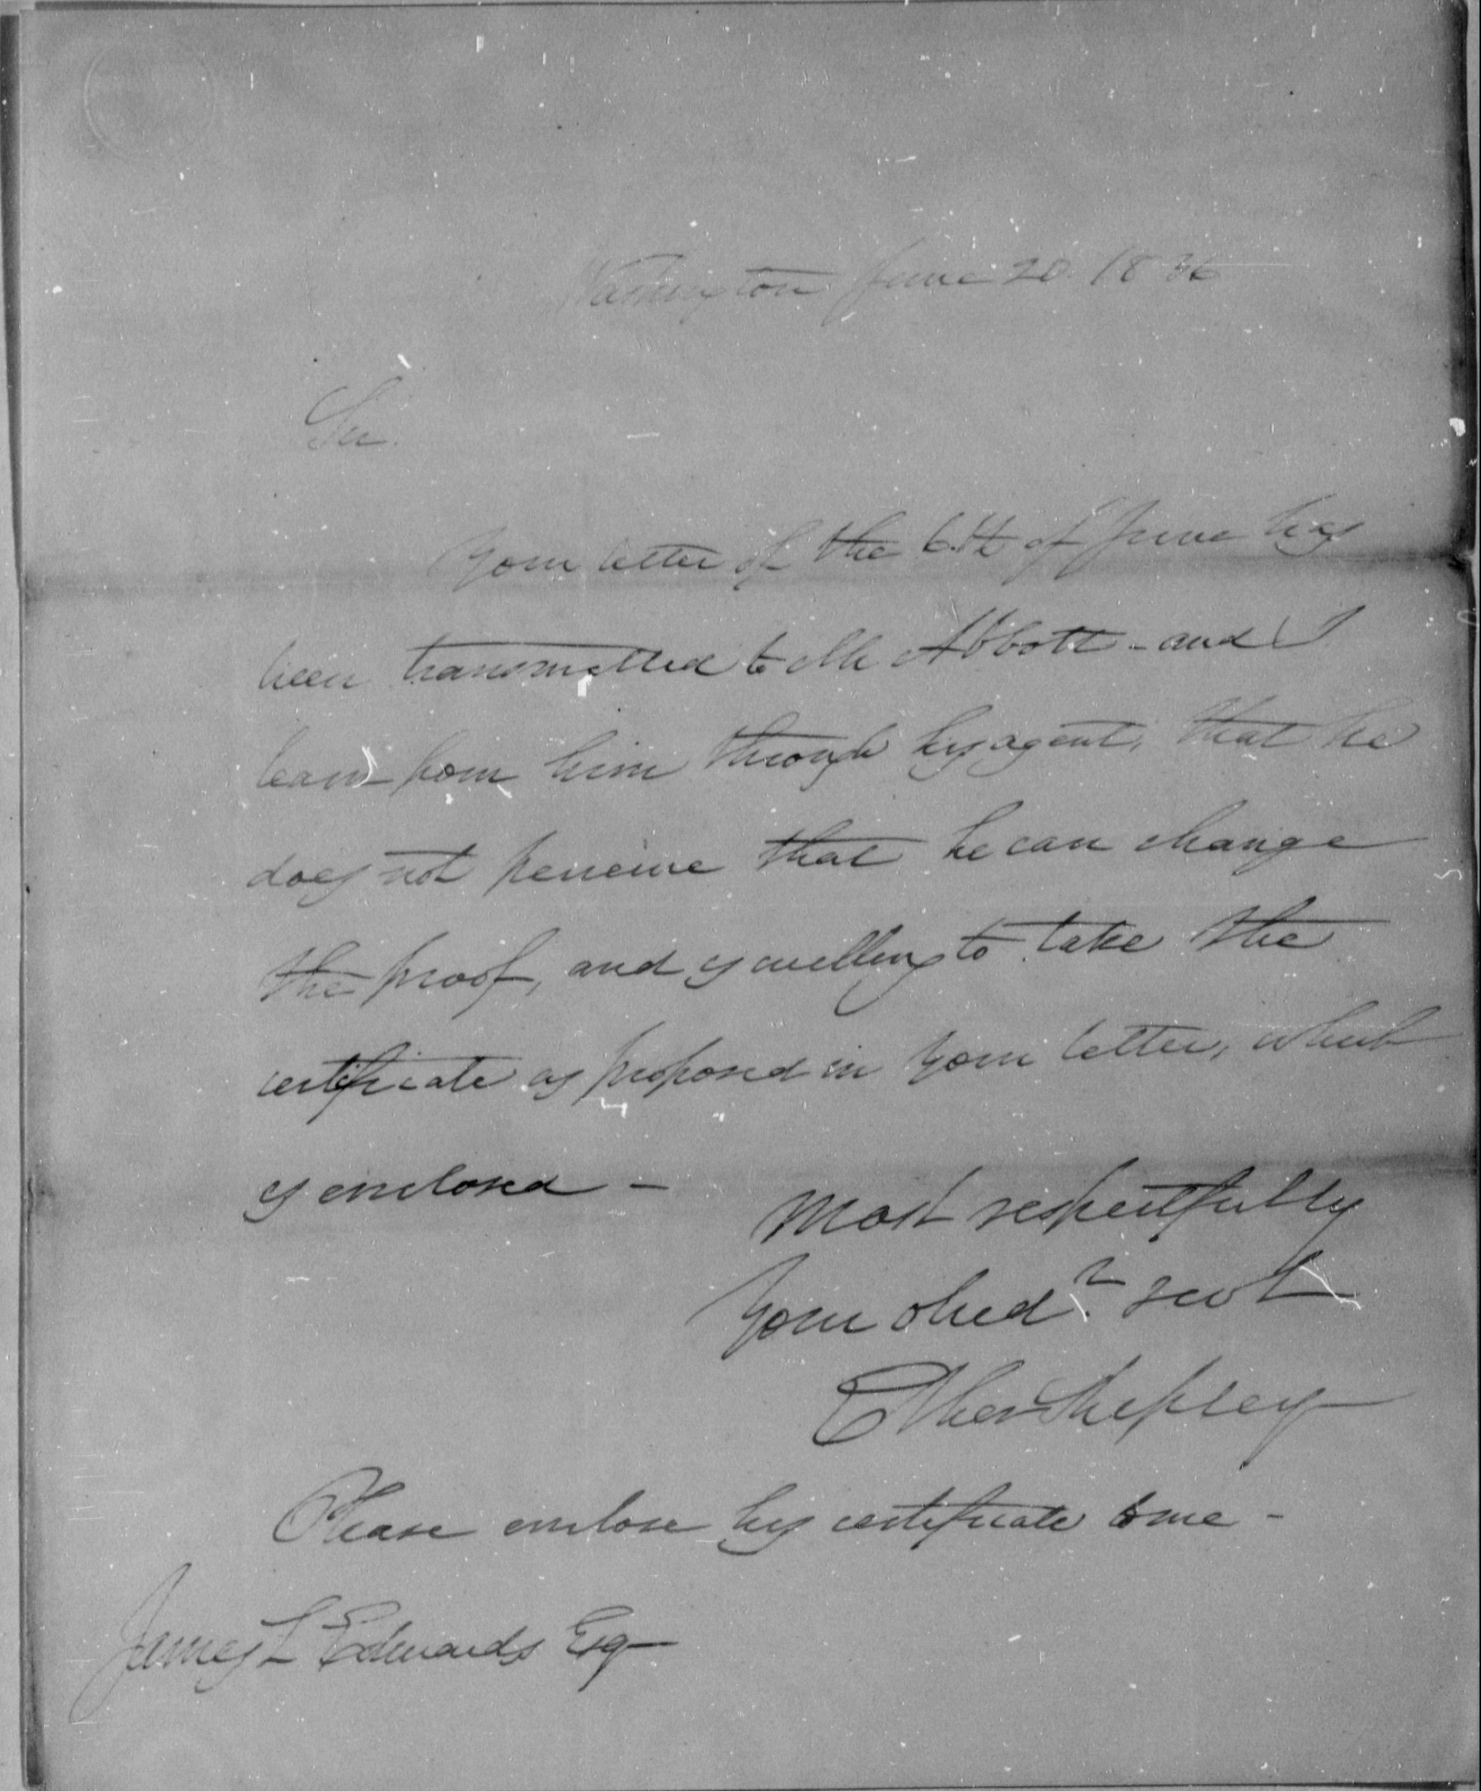Washington, June 20, 1836

Sir

Your letter of the 6th of June has been transmitted to Mr. Abbott - and I learn from him though by agents that he does not perceive that he can change the proof and is willing to take the Certificate as proposed in your letter, which is enclosed -
Most respectfully
your obe'd sev't
[SIGNED: Esther Shepley]

Please enclose his Certificate to me -

James L. Edwards, Esq.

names: Ether Shepley, Abbott, James L Edwards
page: 57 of 86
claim: survivor's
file: S 29,568, Isaac Abbot, Mass